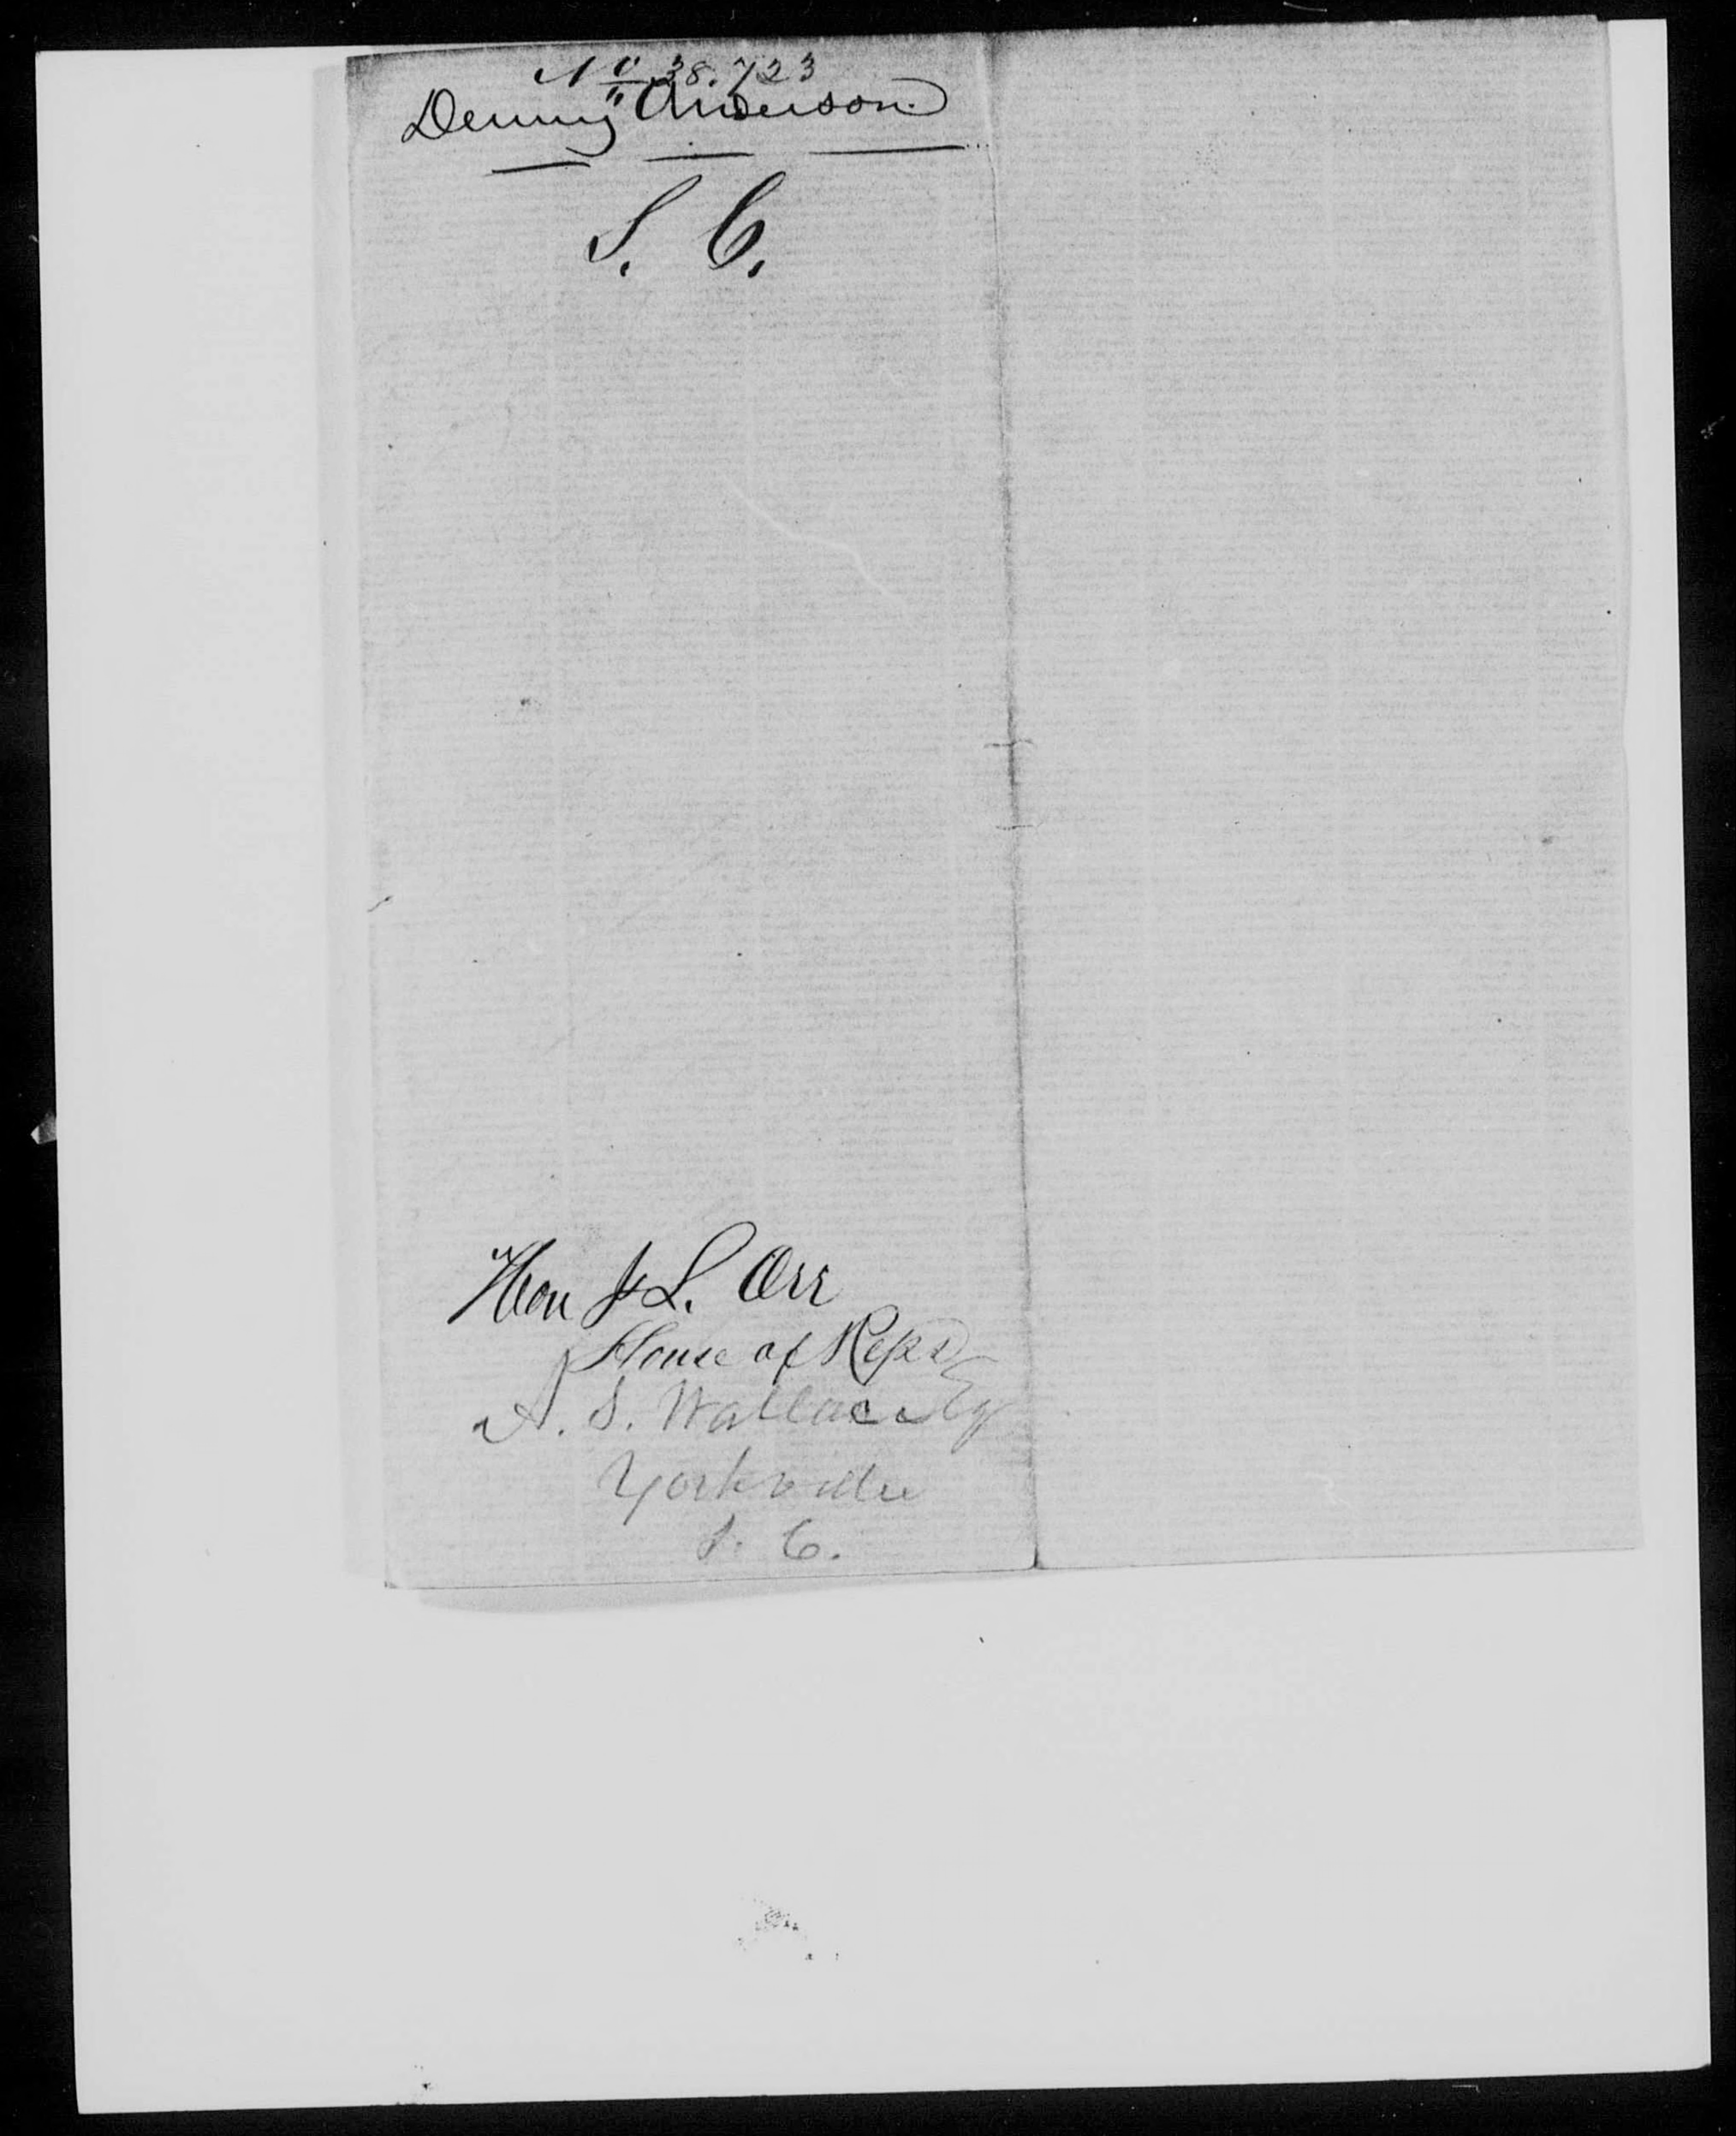No 38.723
Denney Anderson
____   _____    ______
S.C.



Hon J L. Orr
House of Rep
A. S. Wallace  Eq
Yorkville
S. C.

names: A S Wallace, J L Orr, Denny Anderson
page: 27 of 51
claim: widow's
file: W. 9700, Denney Anderson, S.C.